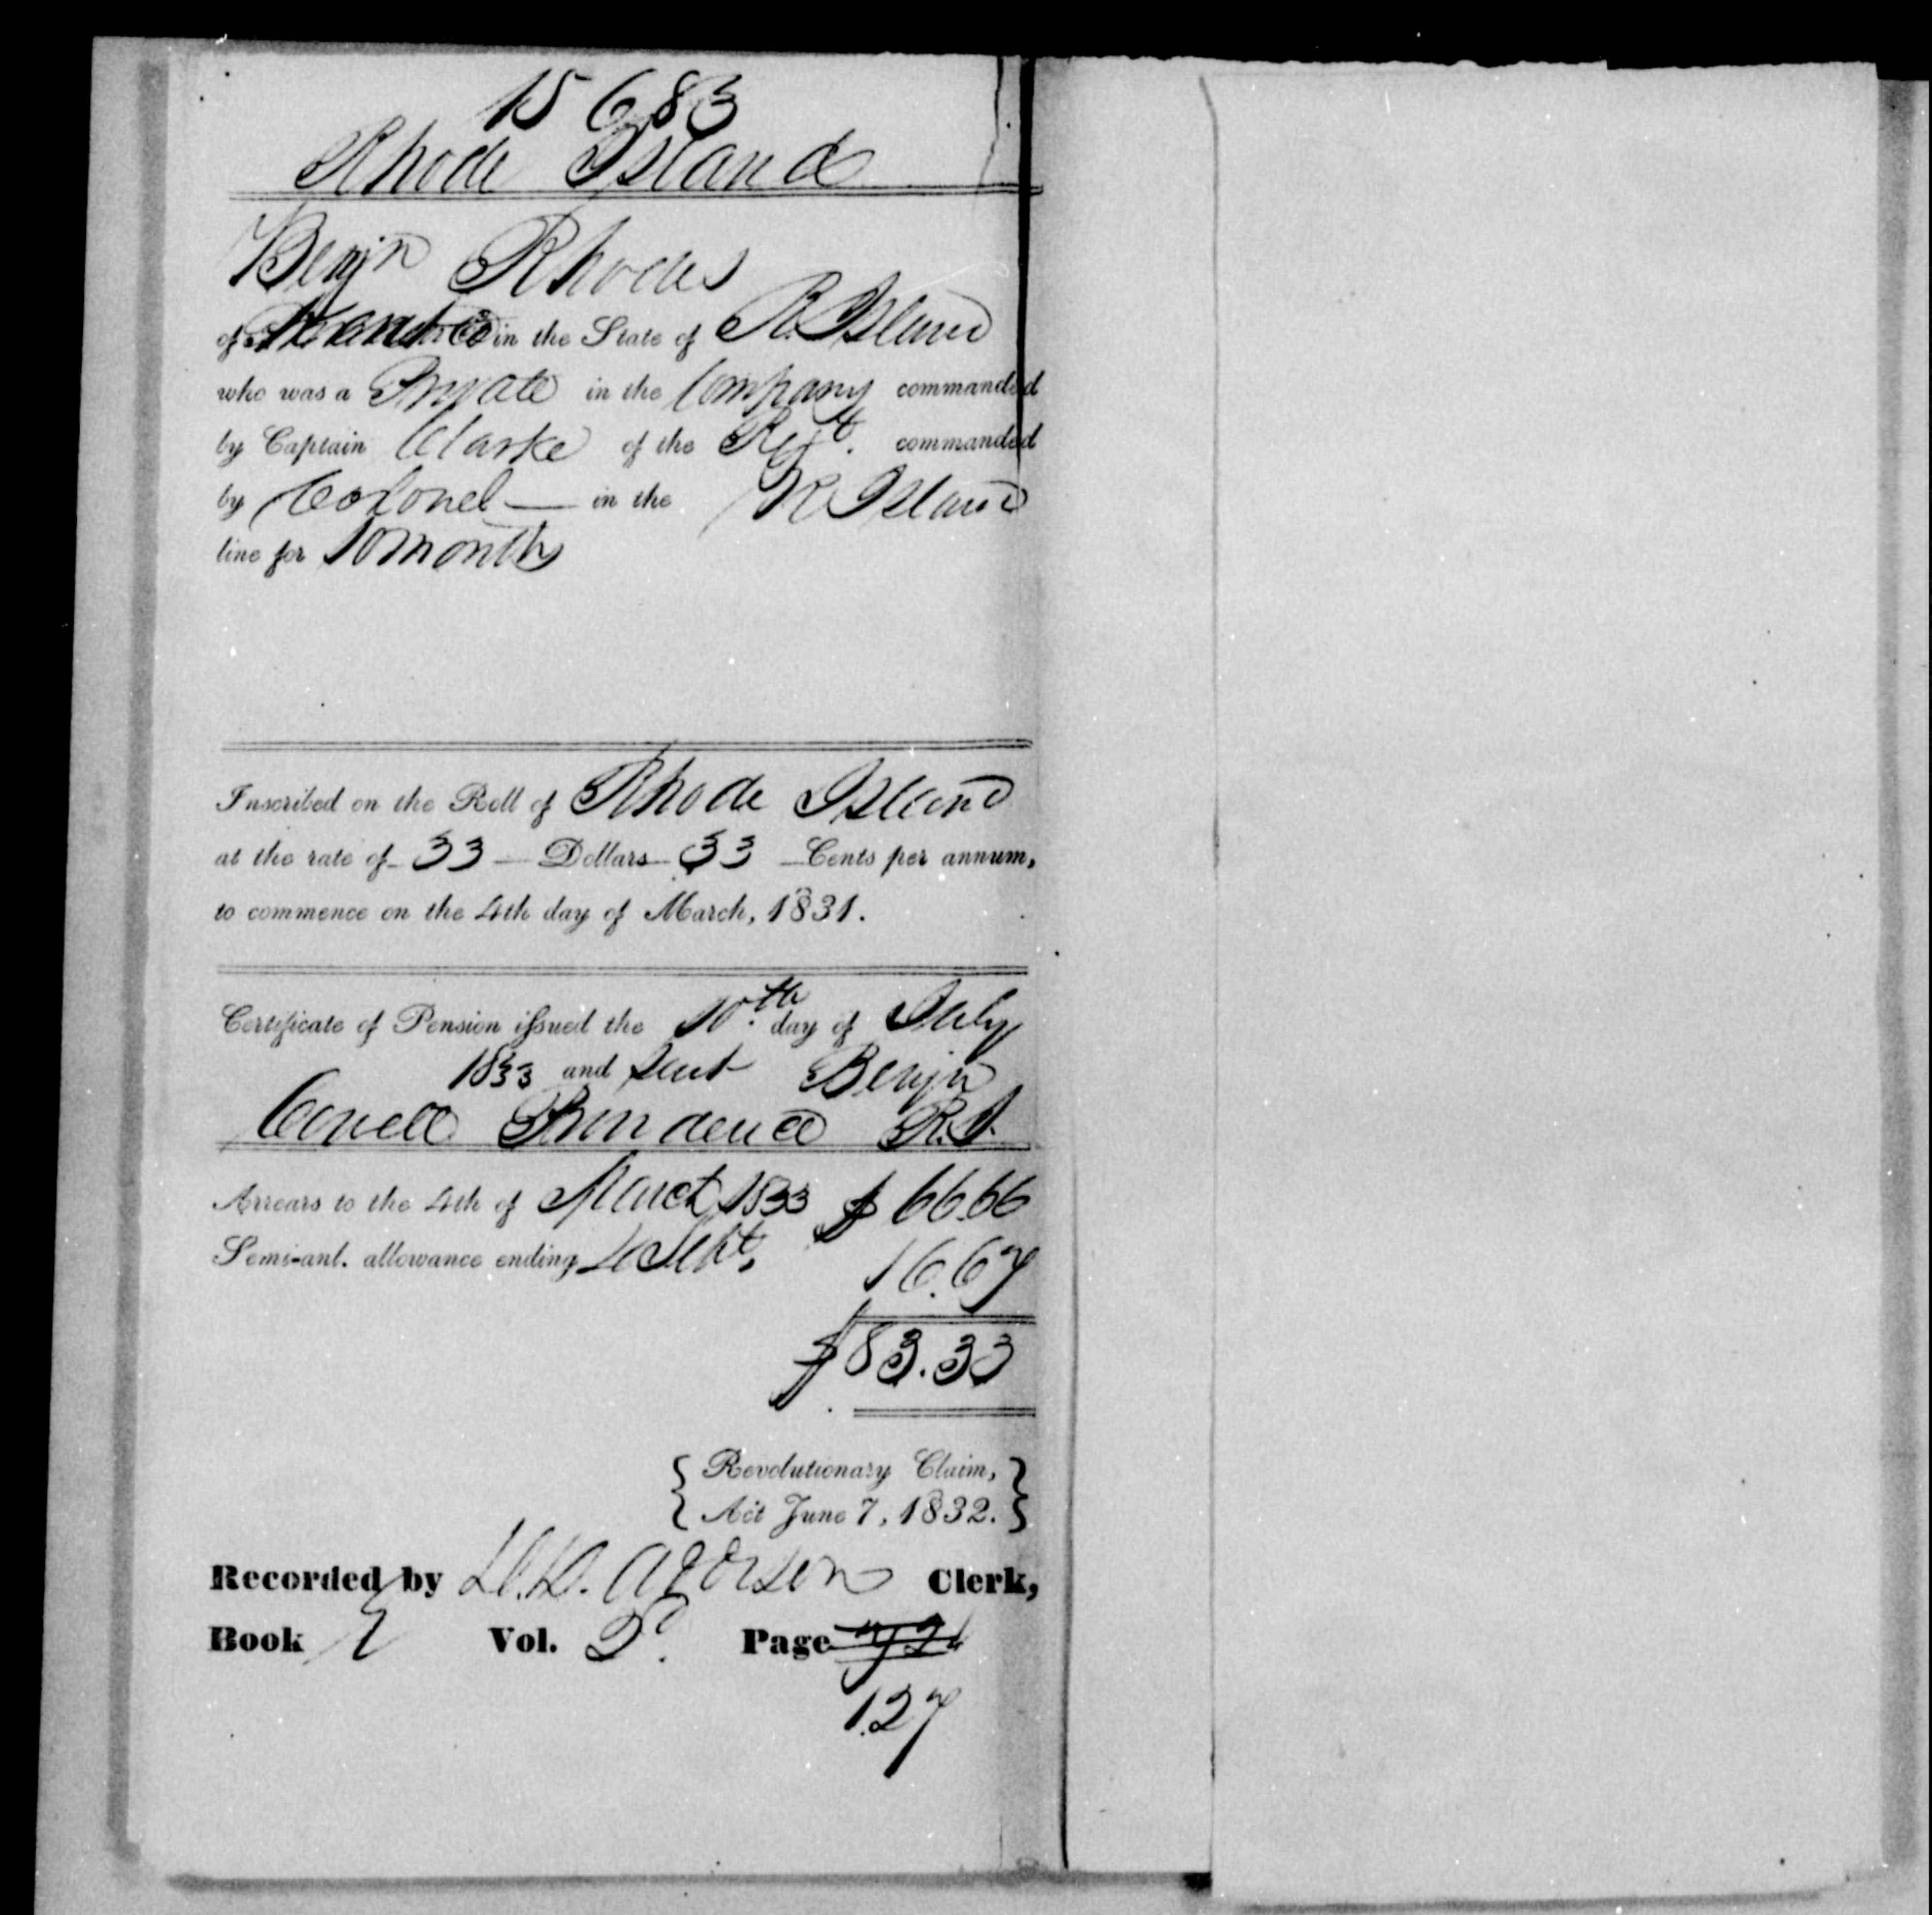15683
Rhode Island
Benjn Rhodes of Kent in the State of R. Island who was a Private in the Company commanded by Captain Clarke of the Reg. Commanded by Colonel - in the R. Island line for 10 months. - 
Inscribed on the Roll of Rhode Island
at the rate of 33 Dollars 33 Cents per annum
to commence on the 4th day of March, 1831.
Certificate of Pension issued the 10th day of July
1833 and sent Benja
Conell Providence R.I.
Arrears to the 4th of March 1833 $66.66
Semi-anl. allowance ending 4 Sept
16.67
$83.33
=
⎨ Revolutionary Claim,
Book
Act June 7, 1832.
Recorded by
D. D. Addison Clerk
Vol.
127
Page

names: [BLANK] Clarke; Benjn Rhodes; Benjn Cowell; D D Addison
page: 2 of 50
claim: widow's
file: W. 22058, for Benjamin Rhodes, Rhode Island